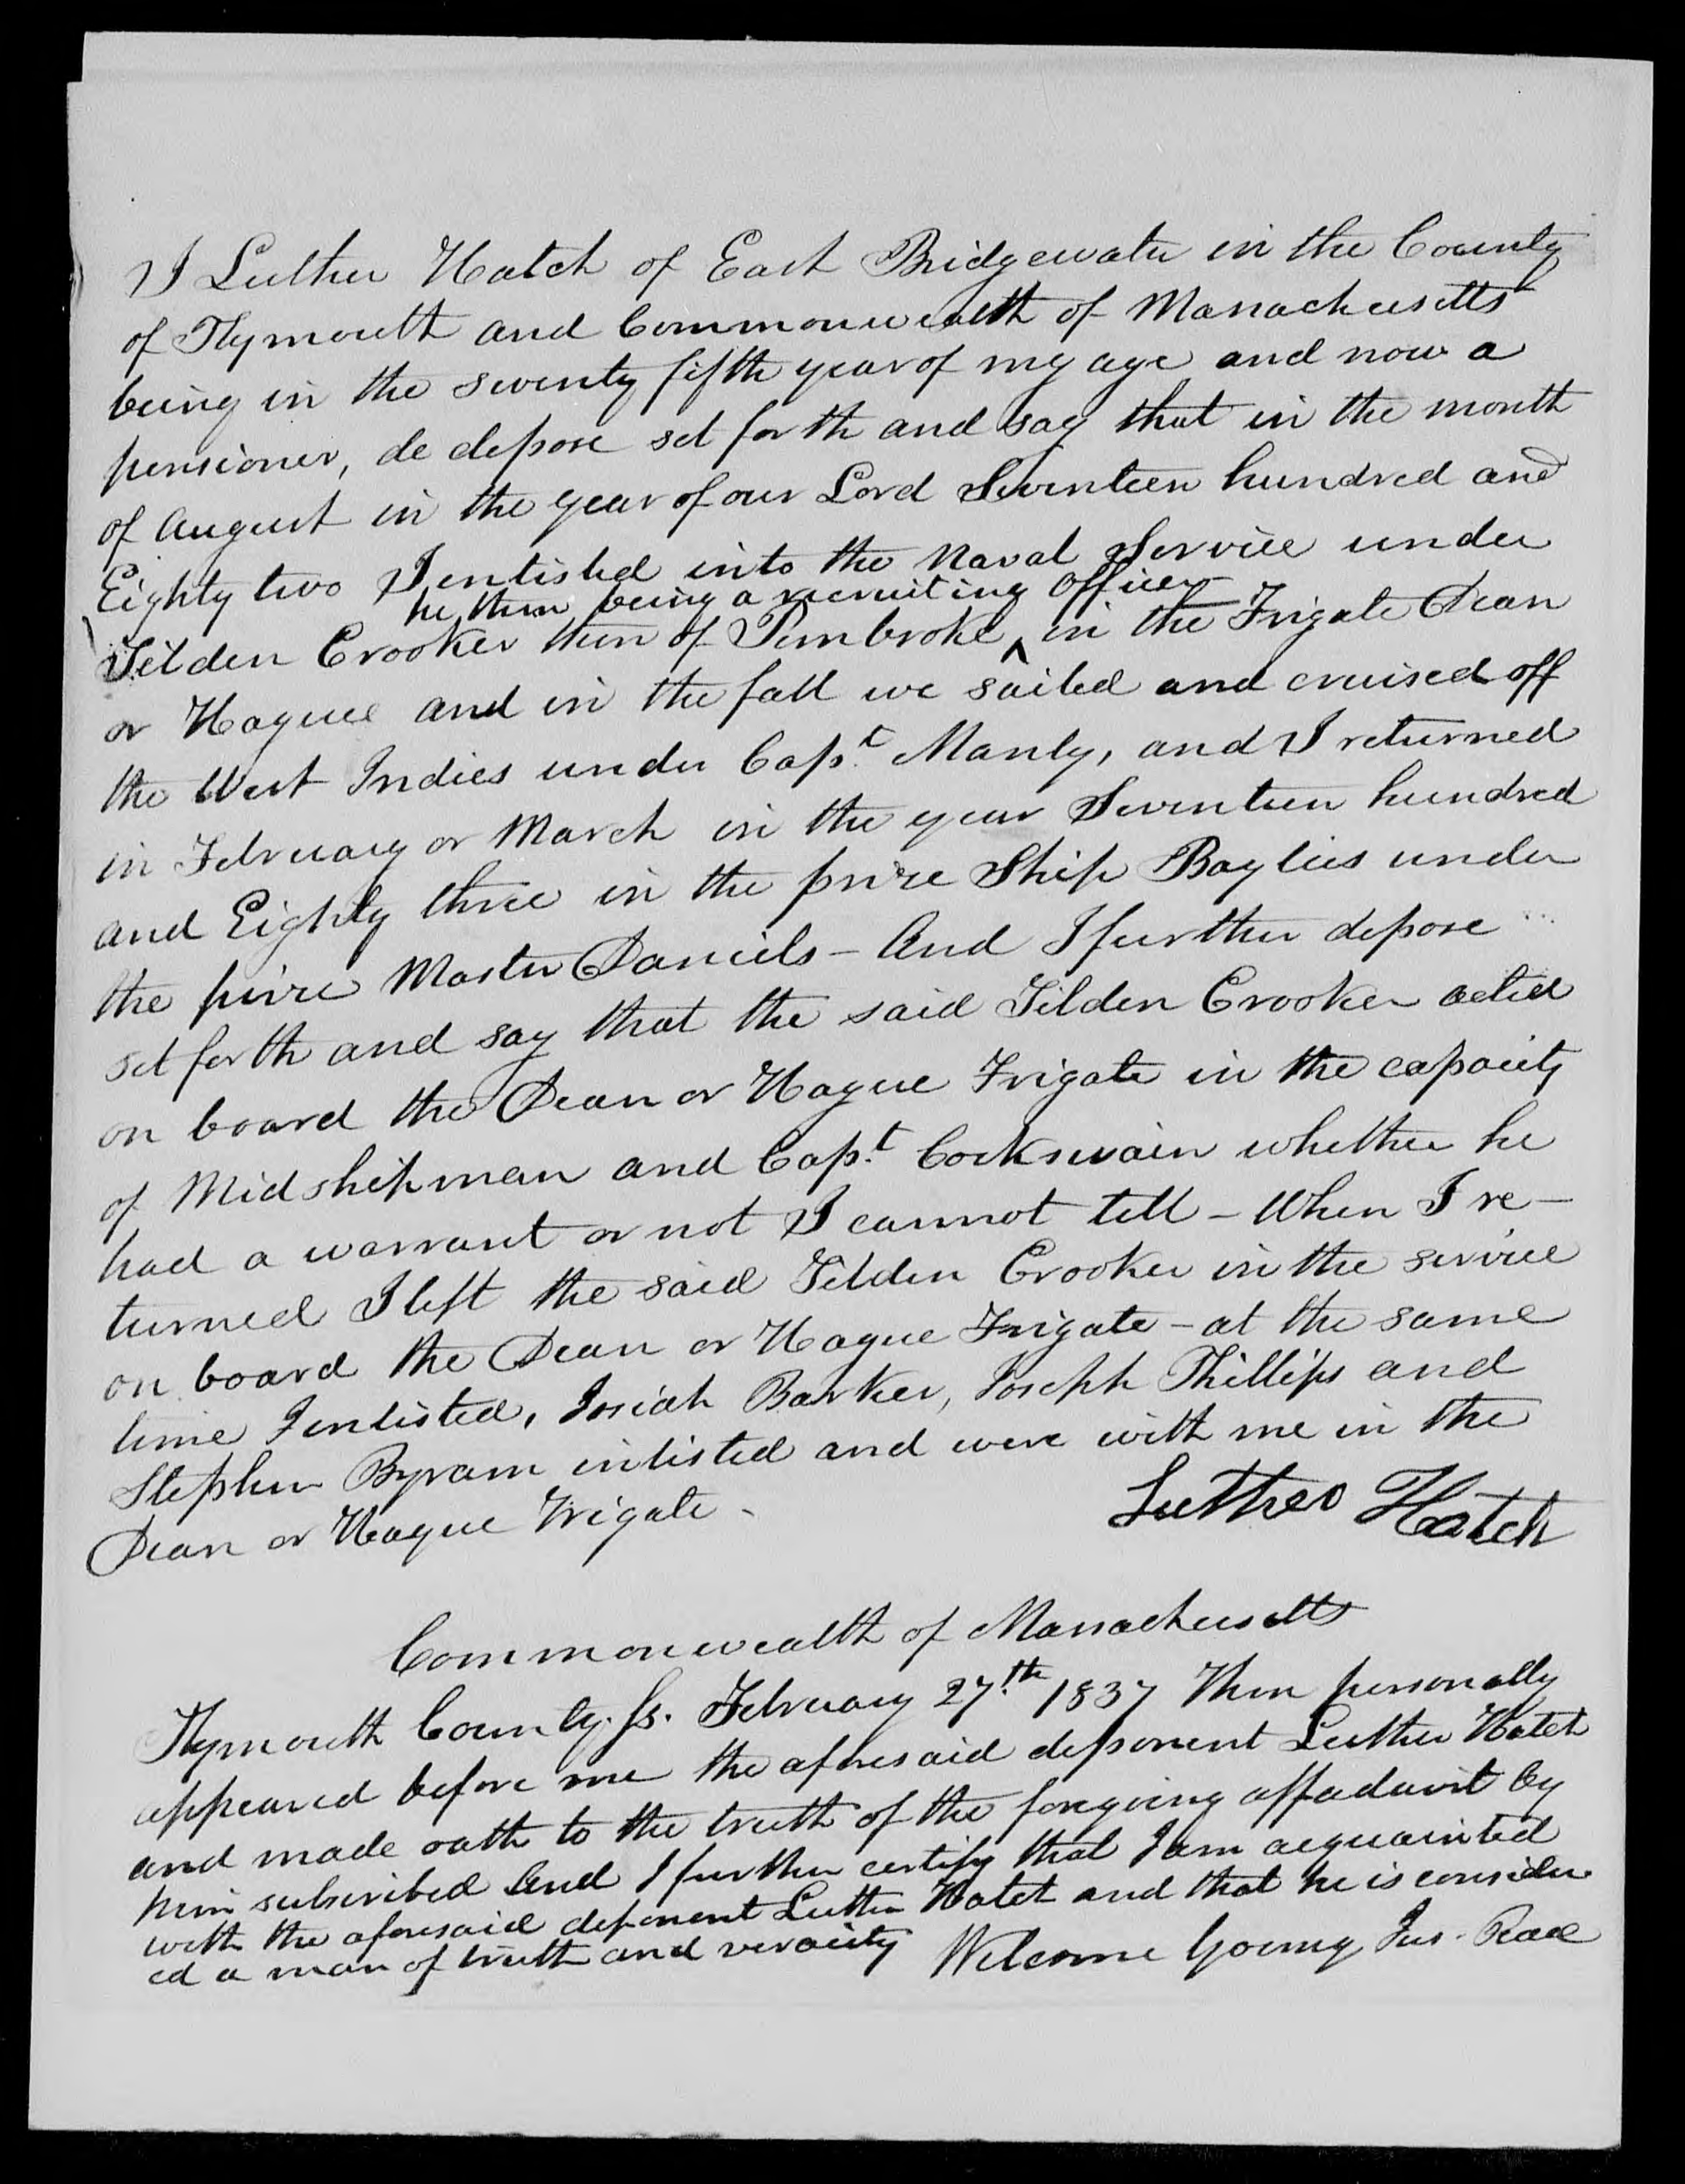I Luther Hatch of East Bridgewater in the county of Plymouth and Commonwealth of Massachusetts being in the seventy fifth year of my age and now a pensioner, do depose set forth and say that in the month of August in the year of our Lord Seventeen hundred and Eighty two I enlisted into the naval service under Tilden Crooker, then of Pembroke, he then being a recruiting officer in the Frigate Dean or Hagues and in the fall we sail and cruised off the West Indies under Captain Manly, and I returned in February or March in the year Seventeen hundred and Eighty three in the prize ship Baylis under the ? Martin Daniels - And I further depose set forth and say that the said Tilden Crooker acted on board the Dean or Hague Frigate in the capacity of Midshipman and Captains Cockswain whether he had a warrant or not I cannot tell - When I returned I left the said Tilden Crooker in the service on board the Dean or Hague Frigate - at the same time I enlisted, Josiah Barker, Joseph Phillips, and Stephen Byram enlisted and were with me in the Dean or Hague Frigate.

Luther Hatch

Commonwealth of Massachusetts

Plymouth County ss.

February 27th 1837 Then personally appeared before me the aforesaid deponent Luther Hatch and made oath to the truth of the foregoing affidavit by him subscribed and I further certify that I am acquainted with the aforesaid deponent Luther Hatch and that he is considered a man of truth and veracity.

Welcome Young Justice of the Peace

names: Joseph Phillips, Josiah Barker, Luther Hatch, Luther Hatch, Tilden Crooker, Tilden Crooker, Luther Hatch, Martin Daniels, Manly, Cockswain, Tilden Crooker, Stephen Byram, Welcome Young, Luther Hatch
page: 20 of 33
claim: widow's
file: W. 22862, Tilden Crooker, Mass Navy